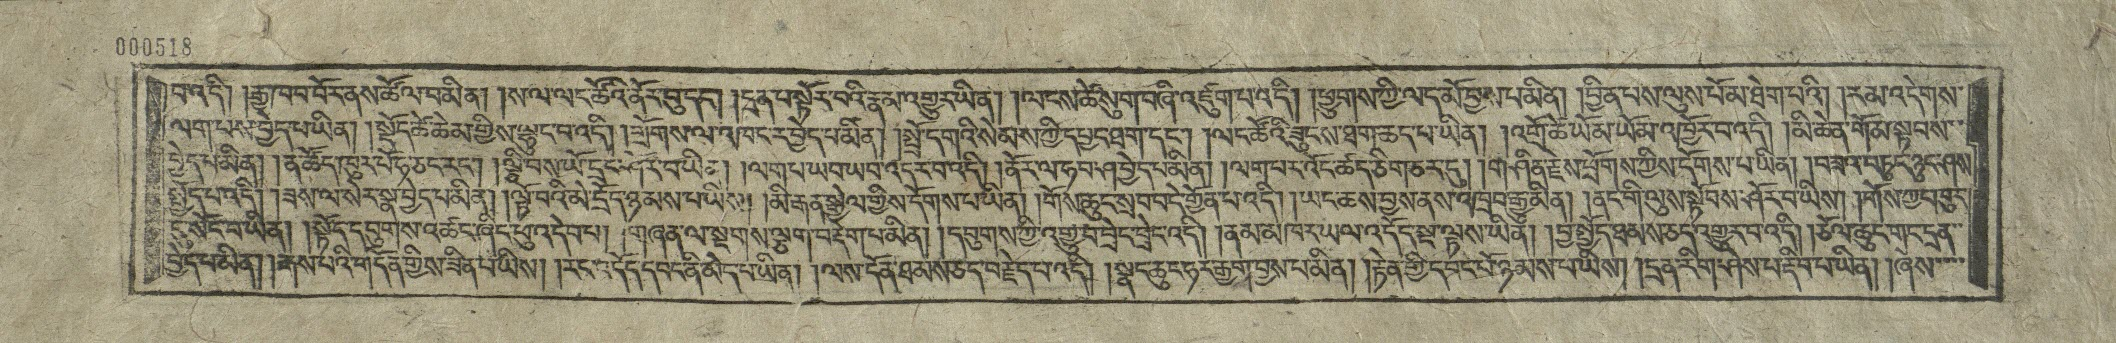བ་འདི། །རྒྱ་ཁབ་བོར་ནས་ཚོལ་བ་མིན། །ས་ལ་ལང་ཚོའི་ནོར་བུ་དང་། །དྲན་བསྟོར་བའི་རྣམ་འགྱུར་ཡིན། །ལངས་ཚེ་སུག་བཞི་འཛུག་པ་འདི། །ཕྱུགས་ཀྱི་ལད་མོ་བྱས་པ་མིན། །བྱིན་པས་ལུས་པོ་མ་ཐེག་པའི། །རམ་འདེགས་
ལག་པས་བྱེད་པ་ཡིན། །སྡོད་ཚེ་ཆེམ་གྱིས་ལྷུང་བ་འདི། །གྲོགས་ལ་འཁང་ར་བྱེད་པ་མིན། །སྤྲོ་དགའི་སེམས་ཀྱི་དབྱང་ཐག་དང་། །ལང་ཚོའི་ཟུངས་ཐག་ཆད་པ་ཡིན། །འགྲོ་ཚེ་ཡོམ་ཡོམ་འཁྱོར་བ་འདི། །མི་ཆེན་གོམ་སྟབས་
བྱེད་པ་མིན། །ན་ཚོད་ཁུར་པོ་ཧ་ཅང་རང་། །ལྕི་བས་ཡོ་དྲང་ཤོར་བ་ཡིན། །ལག་པ་ཡབ་ཡབ་འདར་བ་འདི། །ནོར་ལ་ཧབ་ཤ་བྱེད་པ་མིན། །ལག་པར་འོང་ཚད་ཅིག་ཅར་དུ། །གཤིན་རྗེས་ཕྲོགས་ཀྱིས་དོགས་པ་ཡིན། །བཟའ་བཏུང་ཉུང་ཤས་
སྤྱོད་པ་འདི། །ཟས་ལ་སེར་སྣ་བྱེད་པ་མིན། །ལྟོ་བའི་མེ་དྲོད་ཉམས་པ་ཡིས། །མི་རྒན་སྒྱེལ་གྱིས་དོགས་པ་ཡིན། །གོས་ཆུང་སྲབ་བདེ་གྱོན་པ་འདི། །ཡང་ཆས་བྱས་ནས་འཁྲབ་རྒྱུ་མིན། །ནང་གི་ལུས་སྟོབས་ཤོར་བ་ཡིས། །གོས་ཀྱང་ཁུར་
དུ་སོང་བ་ཡིན། །སྟོད་དབུགས་འཚང་ཞིང་ཕུ་འདེབ་པ། །གཞན་ལ་སྔགས་ལྕག་བརྡེག་པ་མིན། །དབུགས་ཀྱི་འགྱུ་བ་བྲེང་བྲེང་འདི། །ནམ་མཁར་ཡལ་འདོད་སྔ་ལྟས་ཡིན། །བྱ་སྤྱོད་ཐམས་ཅད་འགྱུར་བ་འདི། །ཅོལ་ཆུང་གང་དྲན་
བྱེད་པ་མིན། །རྒས་པའི་གདོན་གྱིས་ཟིན་པ་ཡིས། །རང་འདོད་དབང་ནི་མེད་པ་ཡིན། །ལས་དོན་ཐམས་ཅད་བརྗེད་པ་འདི། །སྣང་ཆུང་ཆར་རྒྱག་བྱས་པ་མིན། །རྟེན་གྱི་དབང་པོ་ཉམས་པ་ཡིས། །དྲན་རིག་ཤེས་པ་རྡིབ་པ་ཡིན། །ཞེས་